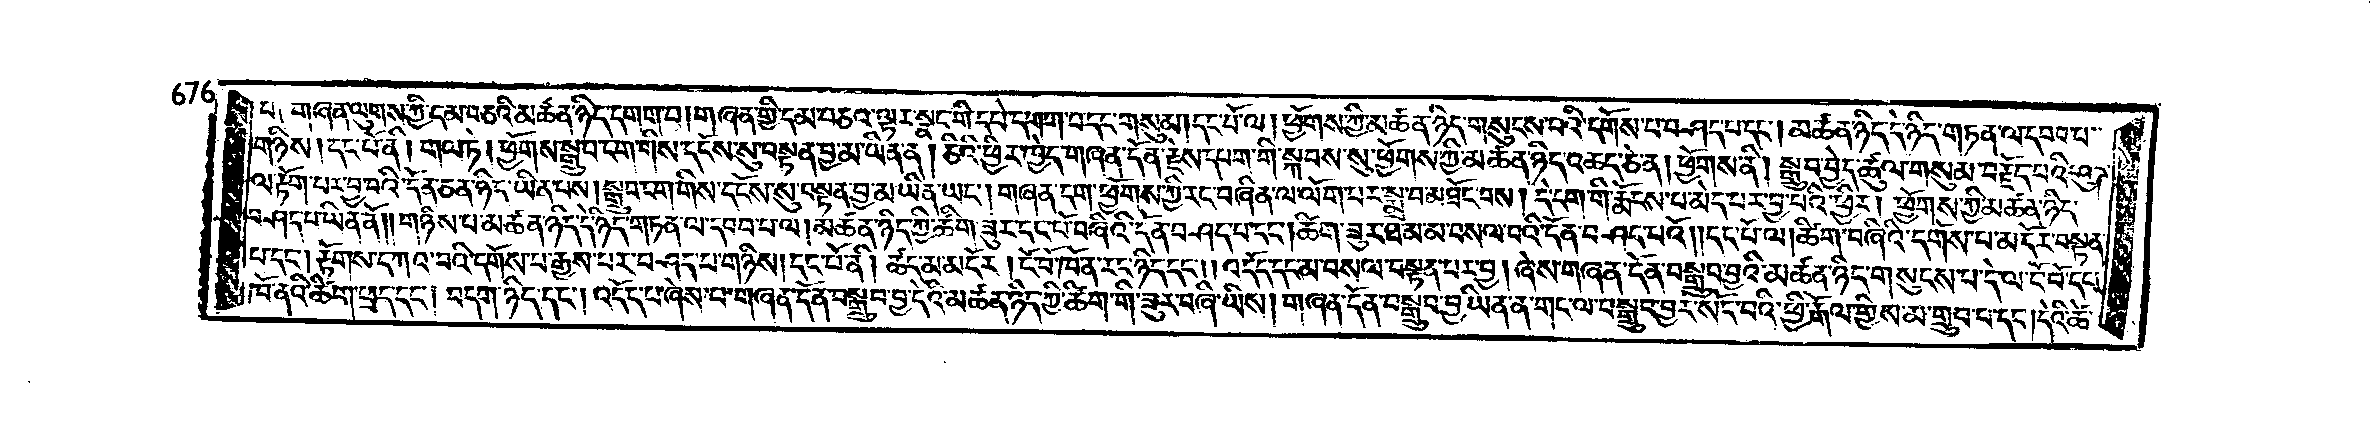བ། གཞན་ལུགས་ཀྱི་དམ་བཅའི་མཚན་ཉིད་དགག་པ། གཞན་གྱི་དམ་བཅའ་ལྟར་སྣང་གི་དཔེ་དགག་པ་དང་གསུམ། དང་པོ་ལ། ཕྱོགས་ཀྱི་མཚན་ཉིད་གསུངས་པའི་དགོས་པ་བཤད་པ་དང་། མཚན་ཉིད་དེ་ཉིད་གཏན་ལ་དབབ་པ་
གཉིས། དང་པོ་ནི། གལ་ཏེ། ཕྱོགས་སྒྲུབ་ངག་གིས་དངོས་སུ་བསྟན་བྱ་མ་ཡིན་ན། ཅིའི་ཕྱིར་ཁྱེད་གཞན་དོན་རྗེས་དཔག་གི་སྐབས་སུ་ཕྱོགས་ཀྱི་མཚན་ཉིད་འཆད་ཅེ་ན། ཕྱོགས་ནི། སྒྲུབ་བྱེད་ཚུལ་གསུམ་བརྗོད་པའི་ཤུགས་
ལ་རྟོག་པར་བྱ་བའི་དོན་ཅན་ཉིད་ཡིན་པས། སྒྲུབ་ངག་གིས་དངོས་སུ་བསྟན་བྱ་མ་ཡིན་ཡང་། གཞན་དག་ཕྱོགས་ཀྱི་རང་བཞིན་ལ་ལོག་པར་སྨྲ་བ་མཐོང་བས། དེ་དག་གི་རྨོངས་པ་མེད་པར་བྱ་བའི་ཕྱིར། ཕྱོགས་ཀྱི་མཚན་ཉིད་
བཤད་པ་ཡིན་ནོ། །གཉིས་པ་མཚན་ཉིད་དེ་ཉིད་གཏན་ལ་དབབ་པ་ལ། མཚན་ཉིད་ཀྱི་ཚིག་ཟུར་དང་པོ་བཞིའི་དོན་བཤད་པ་དང་། ཚིག་ཟུར་ཐ་མ་མ་བསལ་བའི་དོན་བཤད་པའོ། །དང་པོ་ལ། ཚིག་བཞིའི་དགོས་པ་མདོར་བསྟན་
པ་དང་། རྟོགས་དཀའ་བའི་དགོས་པ་རྒྱས་པར་བཤད་པ་གཉིས། དང་པོ་ནི། ཚད་མ་མདོར། ངོ་བོ་ཁོ་ན་རང་ཉིད་དང་། །འདོད་དང་མ་བསལ་བསྟན་པར་བྱ། ཞེས་གཞན་དོན་བསྒྲུབ་བྱའི་མཚན་ཉིད་གསུངས་པ་དེ་ལ་ངོ་བོ་དང་།
ཁོ་ནའི་ཚིག་ཕྲད་དང་། བདག་ཉིད་དང་། འདོད་པ་ཞེས་པ་གཞན་དོན་བསྒྲུབ་བྱ་དེའི་མཚན་ཉིད་ཀྱི་ཚིག་གི་ཟུར་བཞི་ཡིས། གཞན་དོན་བསྒྲུབ་བྱ་ཡིན་ན་གང་ལ་བསྒྲུབ་བྱར་སོང་བའི་ཕྱི་རྒོལ་གྱིས་མ་གྲུབ་པ་དང་། དེའི་ཚེ་